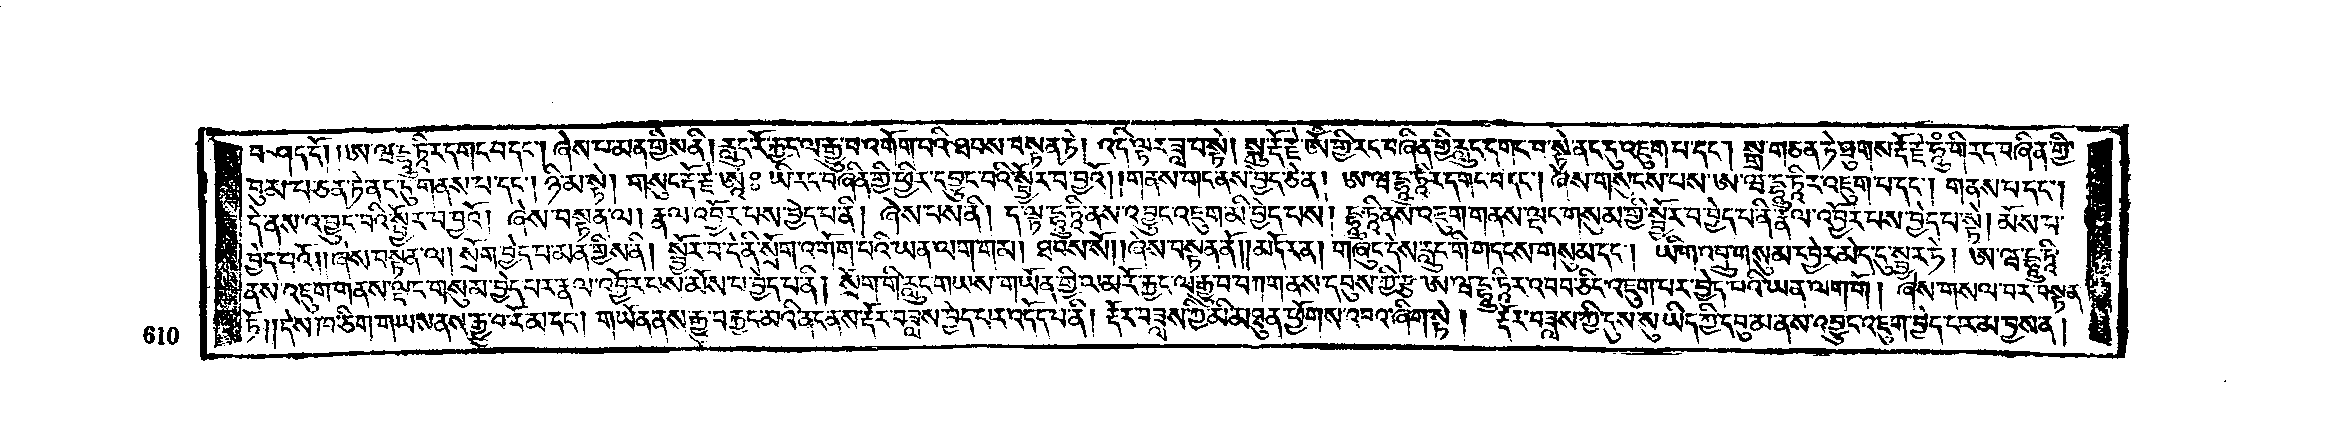བཤད་དོ། །ཨ་ཝ་དྷཱུ་ཏཱིར་དགང་བ་དང་། ཞེས་པ་མན་གྱིས་ནི། རླུང་རོ་རྐྱང་ལ་རྒྱུ་བ་འགོག་པའི་ཐབས་བསྟན་ཏེ། འདི་ལྟར་ཟླ་བ་སྟེ། སྐུ་རྡོ་རྗེ་ཨོཾ་གྱི་རང་བཞིན་གྱི་རླུང་དགང་བ་སྟེ་ནང་དུ་འཇུག་པ་དང་། སྒྲ་གཅན་ཏེ་ཐུགས་རྡོ་རྗེ་ཧཱུཾ་གི་རང་བཞིན་གྱི་
བུམ་པ་ཅན་ཏེ་ནང་དུ་གནས་པ་དང་། ཉི་མ་སྟེ། གསུང་རྡོ་རྗེ་ཨཱཿ ཡི་རང་བཞིན་གྱི་ཕྱིར་དབྱུང་བའི་སྦྱོར་བ་བྱའོ། །གནས་གང་ནས་བྱེད་ཅེ་ན། ཨ་ཝ་དྷཱུ་ཏཱིར་དགང་བ་དང་། ཞེས་གསུངས་པས་ཨ་ཝ་དྷཱུ་ཏཱིར་འཇུག་པ་དང་། གནས་པ་དང་།
དེ་ནས་འབྱུང་བའི་སྦྱོར་བ་བྱའོ། ཞེས་བསྟན་ལ། རྣལ་འབྱོར་པས་བྱེད་པ་ནི། ཞེས་པས་ནི། ད་ལྟ་དྷཱུ་ཏཱི་ནས་འབྱུང་འཇུག་མི་བྱེད་པས། དྷཱུ་ཏཱི་ནས་འཇུག་གནས་ལྡང་གསུམ་གྱི་སྦྱོར་བ་བྱེད་པ་ནི་རྣལ་འབྱོར་པས་བྱེད་པ་སྟེ། མོས་པ་
བྱེད་པའོ། །ཞེས་བསྟན་ལ། སྲོག་བྱེད་པ་མན་གྱིས་ནི། སྦྱོར་བ་དེ་ནི་སྲོག་འགོག་པའི་ཡན་ལག་གམ། ཐབས་སོ། །ཞེས་བསྟན་ནོ། །མདོར་ན། གཞུང་དེས་རླུང་གི་གདངས་གསུམ་དང་། ཡིག་འབྲུ་གསུམ་དབྱེར་མེད་དུ་སྦྱར་ཏེ། ཨ་ཝ་དྷཱུ་ཏཱི་
ནས་འཇུག་གནས་ལྡང་གསུམ་བྱེད་པར་རྣལ་འབྱོར་པས་མོས་པ་བྱེད་པ་ནི། སྲོག་གི་རླུང་གཡས་གཡོན་གྱི་ལམ་རོ་རྐྱང་ལ་རྒྱུ་བ་བཀག་ནས་དབུས་ཀྱི་རྩ་ཨ་ཝ་དྷཱུ་ཏཱིར་འབབ་ཅིང་འཇུག་པར་བྱེད་པའི་ཡན་ལག་གོ །ཞེས་གསལ་བར་བསྟན་
ཏོ། །དེས་ཁ་ཅིག་གཡས་ནས་རྒྱུ་བ་རོ་མ་དང་། གཡོན་ནས་རྒྱུ་བ་རྐྱང་མའི་ནང་ནས་རྡོར་བཟླས་བྱེད་པར་འདོད་པ་ནི། རྡོར་བཟླས་ཀྱི་མི་མཐུན་ཕྱོགས་འབའ་ཞིག་སྟེ། རྡོར་བཟླས་ཀྱི་དུས་སུ་ཡིད་ཀྱི་དབུ་མ་ནས་འབྱུང་འཇུག་བྱེད་པར་མ་བྱས་ན།